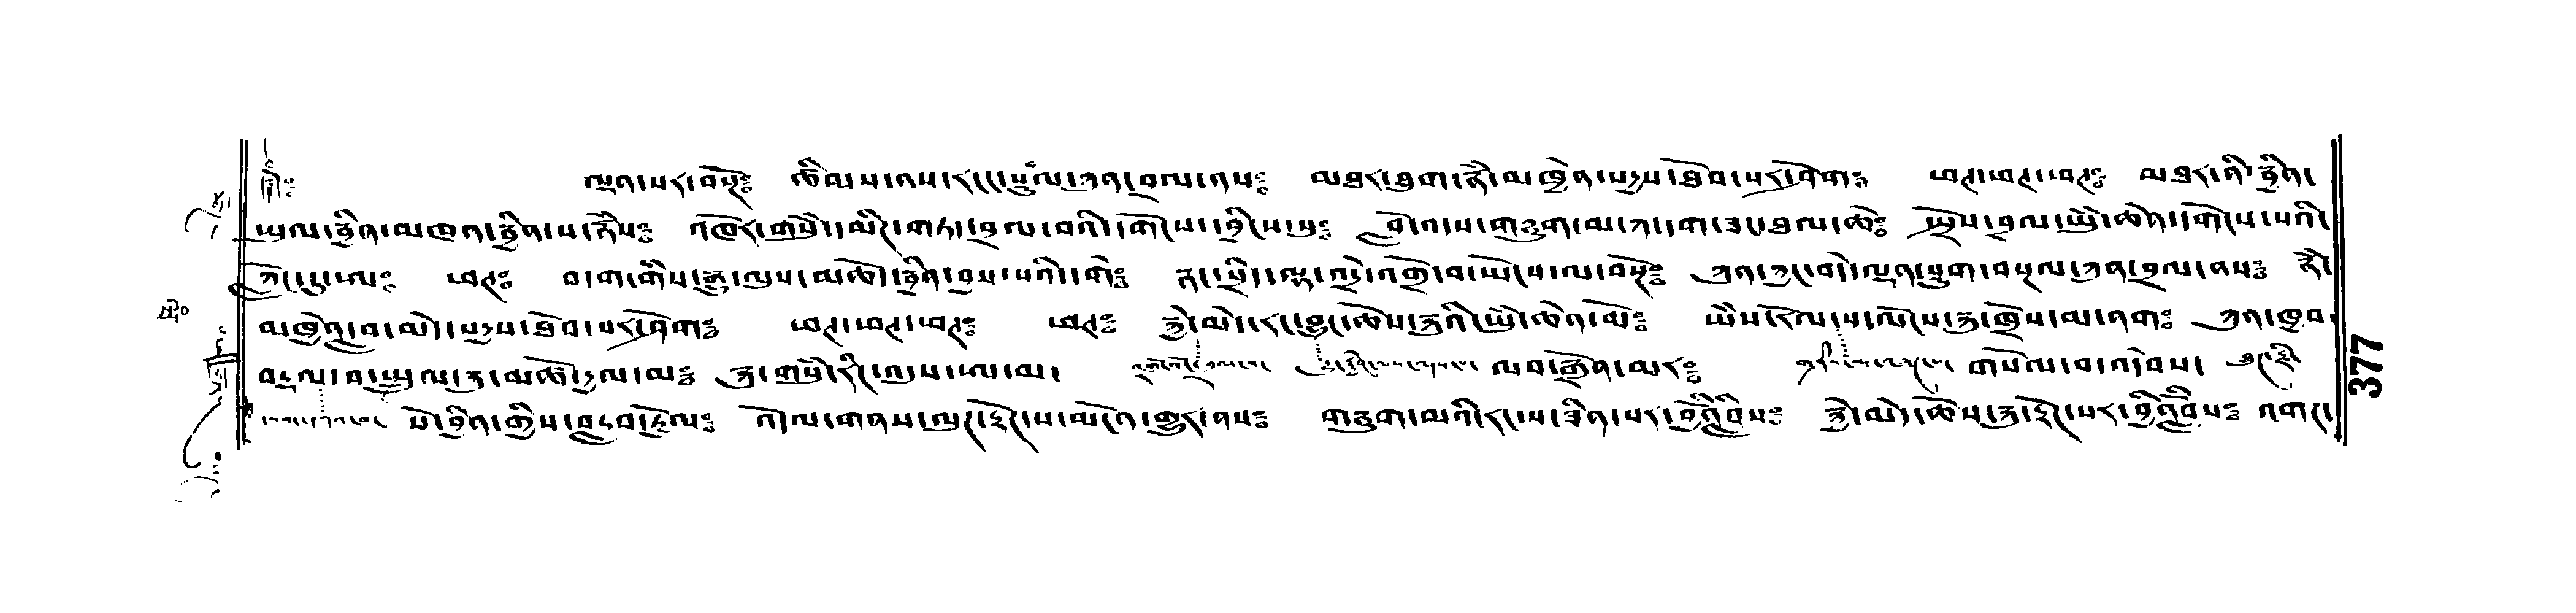ལྡན་པར་བསྔོ༔ ཚིམས་ནས་རང་རང་སྡུག་བསྔལ་ཀུན་བྲལ་ནས༔ མཐར་ཐུག་རྣམ་མཁྱེན་སངས་རྒྱས་ཐོབ་པར་ཤོག༔ ཕཊ་ཕཊ་ཕཊཿ མཐར་ནི་སྦྱིན་
ཡུལ་སྦྱིན་མཁན་སྦྱིན་པ་རྣམས༔ འཁོར་གསུམ་དམིགས་གཏད་བྲལ་བའི་དགོངས་དབྱིངས་སུ༔ བློ་འདས་གཉུག་མ་ཀ་དག་ཟང་ཐལ་ཚེ༔ སྤྲོས་བྲལ་ཡུམ་ཆེན་དགོངས་པའི་
ཀློང་དུ་ཨཱཿ ཕཊཿ བདག་གིས་སྒྱུ་ལུས་མཆོད་སྦྱིན་བྱས་པའི་དགེ༔ སྣང་སྲིད་ལྷ་འདྲེ་འགྲོ་བ་ཡོངས་ལ་བསྔོ༔ ཀུན་ཀྱང་བདེ་ལྡན་སྡུག་བསྔལ་ཀུན་བྲལ་ནས༔ རྣམ་
མཁྱེན་བླ་མེད་སངས་རྒྱས་ཐོབ་པར་ཤོག༔ ཕཊ་ཕཊ་ཕཊཿ ཕཊ༔ སྐྱེ་མེད་འགྲོ་འོང་བྲལ་བ་རང་བྱུང་རྒྱུ་རྐྱེན་ལས་འདས་པ་ཆོས་སྐུ་ཡུམ་ཆེན་མོ༔ ཡེ་ཤེས་རོལ་པ་གཤིས་མ་འགགས་པ་ལོངས་སྐུ་ཁྲོས་མ་ནག༔ ཀུན་ཁྱབ་
ཐུགས་རྗེ་དཔག་པར་དཀའ་བ་བརྡལ་བ་སྤྲུལ་སྐུ་མཚོ་རྒྱལ་མ༔ སྐུ་གསུམ་རིགས་འདུས་ཨ་མ་ལབ་སྒྲོན་མར༔ གསོལ་བ་འདེབས་
སོ་བྱིན་གྱིས་བརླབ་ཏུ་གསོལ༔ འོད་གསལ་གནས་ལུགས་རྟོགས་པ་མངོན་གྱུར་ནས༔ གཉུག་མའི་རང་ས་ཟིན་པར་བྱིན་གྱིས་རློབས༔ སྐྱེ་མེད་ཆོས་སྐུ་རྟོགས་བྱིན་གྱིས་རློབས༔ འགགས་